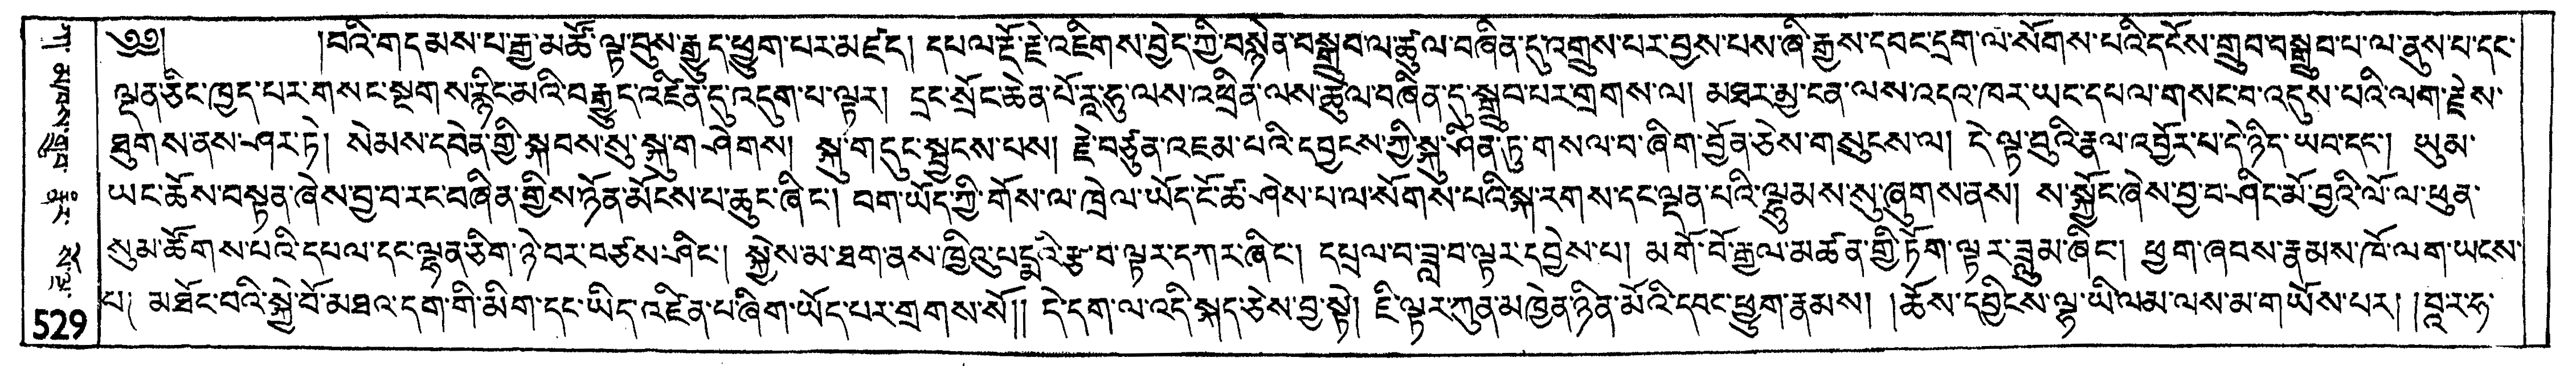༄༅། །བའི་གདམས་པ་རྒྱ་མཚོ་ལྟ་བུས་རྒྱུད་ཕྱུག་པར་མཛད། དཔལ་རྡོ་རྗེ་འཇིགས་བྱེད་ཀྱི་བསྙེན་བསྒྲུབ་ལ་ཚུལ་བཞིན་དུ་འགྲུས་པར་བྱས་པས་ཞི་རྒྱས་དབང་དྲག་ལ་སོགས་པའི་དངོས་གྲུབ་བསྒྲུབ་པ་ལ་ནུས་པ་དང་
ལྡན་ཅིང་ཁྱད་པར་གསང་སྔགས་རྙིང་མའི་བརྒྱུད་འཛིན་དུ་འདུག་པ་ལྟར། དྲང་སྲོང་ཆེན་པོ་རཱ་ཧུ་ལས་འཕྲིན་ལས་ཚུལ་བཞིན་དུ་སྒྲུབ་པར་གྲགས་ལ། མཐར་མྱ་ངན་ལས་འདའ་ཁར་ཡང་དཔལ་གསང་བ་འདུས་པའི་ལག་རྗེས་
ཐུགས་ནས་ཤར་ཏེ། སེམས་དབེན་གྱི་སྐབས་སུ་སྐུ་གཤེགས། སྐུ་གདུང་སྦྱངས་པས། རྗེ་བཙུན་འཇམ་པའི་དབྱངས་ཀྱི་སྐུ་ཤིན་ཏུ་གསལ་བ་ཞིག་བྱོན་ཅེས་གསུངས་ལ། དེ་ལྟ་བུའི་རྣལ་འབྱོར་པ་དེ་ཉིད་ཡབ་དང་། ཡུམ་
ཡང་ཆོས་བསྟན་ཞེས་བྱ་བ་རང་བཞིན་གྱིས་ཉོན་མོངས་པ་ཆུང་ཞིང་། བག་ཡོད་ཀྱི་གོས་ལ་ཁྲེལ་ཡོད་ངོ་ཚ་ཤེས་པ་ལ་སོགས་པའི་སྐ་རགས་དང་ལྡན་པའི་ལྷུམས་སུ་ཞུགས་ནས། ས་སྐྱོང་ཞེས་བྱ་བ་ཤིང་མོ་བྱའི་ལོ་ལ་ཕུན་
སུམ་ཚོགས་པའི་དཔལ་དང་ལྷན་ཅིག་ཉེ་བར་བཙས་ཤིང་། སྐྱེས་མ་ཐག་ནས་ཁྱིའུ་པདམའི་རྩ་བ་ལྟར་དཀར་ཞིང་། དཔྲལ་བ་ཟླ་བ་ལྟར་དབྱེས་པ། མགོ་བོ་རྒྱལ་མཚན་གྱི་ཏོག་ལྟར་ཟླུམ་ཞིང་། ཕྱག་ཞབས་རྣམས་ཁོ་ལག་ཡངས་
པ། མཐོང་བའི་སྐྱེ་བོ་མཐའ་དག་གི་མིག་དང་ཡིད་འཛིན་པ་ཞིག་ཡོད་པར་གྲགས་སོ། །དེ་དག་ལ་འདི་སྐད་ཅེས་བྱ་སྟེ། ཇི་ལྟར་ཀུན་མཁྱེན་ཉིན་མོའི་དབང་ཕྱུག་རྣམས། །ཆོས་དབྱིངས་ལྷ་ཡི་ལམ་ལས་མ་གཡོས་པར། །བཱ་ར་ཧ་